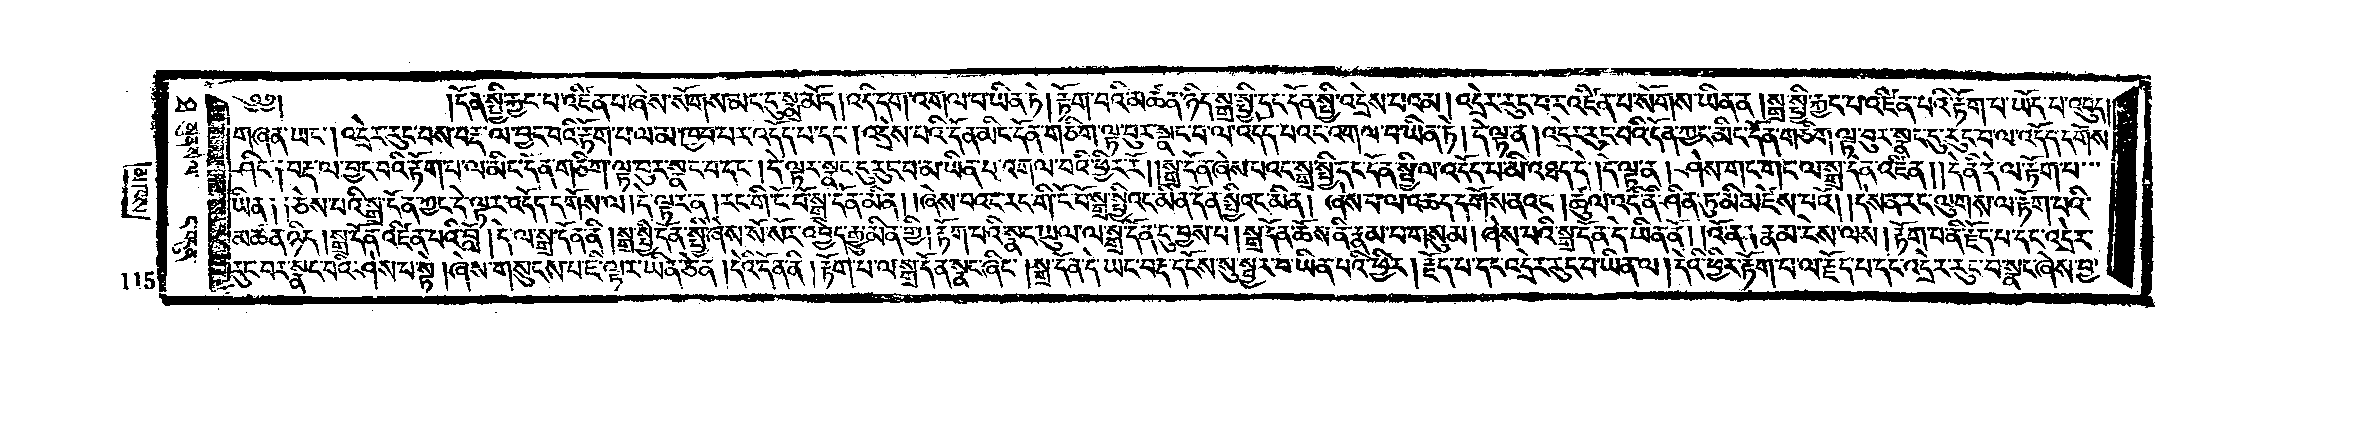༄༅། །དོན་སྤྱི་རྐྱང་པ་འཛིན་པ་ཞེས་སོགས་མང་དུ་སྨྲ་མོད། འདི་དག་འགལ་བ་ཡིན་ཏེ། རྟོག་པའི་མཚན་ཉིད་སྒྲ་སྤྱི་དང་དོན་སྤྱི་འདྲེས་པའམ། འདྲེར་རུང་བར་འཛིན་པ་སོགས་ཡིན་ན། སྒྲ་རྐྱང་པ་འཛིན་པ་འཛིན་པའི་རྟོག་པ་ཡོད་པ་འབུད།
གཞན་ཡང་། འདྲེར་རུང་བས་བརྡ་ལ་བྱང་བའི་རྟོག་པ་ལ་མ་ཁྱབ་པར་འདོད་པ་དང་། འདྲེས་པའི་དོན་མིང་དོ་གཅིག་ལྟ་བུར་སྣང་བ་ལ་འདོད་པའང་འགལ་བ་ཡིན་ཏེ། དེ་ལྟ་ན། འདྲེར་རུང་བའི་དོན་ཀྱང་མིང་དོན་གཅིག་ལྟ་བུར་སྣང་དུ་རུང་བ་ལ་འདོད་དགོས་
ཤིང༑ བརྡ་བྱང་བའི་རྟོག་པ་ལ་མིང་དོན་གཅིག་ལྟ་བུར་སྣང་བ་དང་། དེ་ལྟར་སྣང་དུ་རུང་བ་མ་ཡིན་པ་འགལ་བའི་ཕྱིར་རོ། སྒྲ་དོན་ཞེས་པའང་སྒྲ་སྤྱི་དང་དོན་སྤྱི་ལ་འདོད་པ་མི་འཐད་དེ། དེ་ལྟ་ན། ཤེས་གང་གང་ལ་སྒྲ་དོན་འཛིན། །དེ་ནི་དེ་ལ་རྟོག་པ་
ཡིན༑ །ཅེས་པའི་སྒྲ་དོན་ཀྱང་དེ་ལྟར་ཀྱང་དེ་ལྟར་འདོད་དགོས་ལ། དེ་ལྟར་ན། རང་གི་གོ་བོ་སྒྲ་དོན་མིན། །ཞེས་འང་རང་གི་གོའོ་སྒྲ་སྤྱིའང་མི་དོན་སྤྱིའང་མིན། ཞེས་པ་ལ་འཆད་དགོས་ནའང་། ཚུལ་འདི་ནི་ཤིན་ཏུ་མི་མཛེས་པའོ། །དེས་ཨ་རང་ལུགས་ལ་རྟོག་པའི་
མཚན་ཉིད་།སྒྲ་དོན་འཛིན་པའི་བློ། དེ་ལ་སྒྲ་དོན་ནི། སྒྲ་སྤྱི་དོན་སྤྱི་ཞེས་སོ་སོར་འབྱེད་རྒྱུ་མིན་གྱི། རྟོག་པའི་སྣང་ཡུལ་ལ་སྒྲ་དོན་དུ་བྱས་པ། སྒྲ་དོན་ཆོས་ནི་རྣམ་པ་གསུམ། ཞེས་པའི་སྒྲ་དོན་དེ་ཡིན་ནོ། །འོ་ན༑ རྣམ་ངེས་ལས། རྟོག་པ་ནི་རྗོད་པ་དང་འདྲེར་
རུང་བར་སྣང་བའི་ཤེས་པ་སྟེ། ཞེས་གསུངས་པ་ཇི་ལྟར་ཡིན་ཅེ་ན། དེའི་དོན་ནི། རྟོག་པ་ལ་སྒྲ་དོན་སྣང་ཞིང་། སྒྲ་དོན་དེ་ཡང་བརྡ་དངོས་སུ་སྦྱར་བ་ཡིན་པའི་ཕྱིར། རྗོད་པ་དང་འདྲེར་རུང་བ་ཡིན་ལ། དེའི་ཕྱིར་རྟོག་པ་ལ་རྗོད་པ་དང་འདྲེར་རུང་བ་སྣང་ཞེས་བྱ་